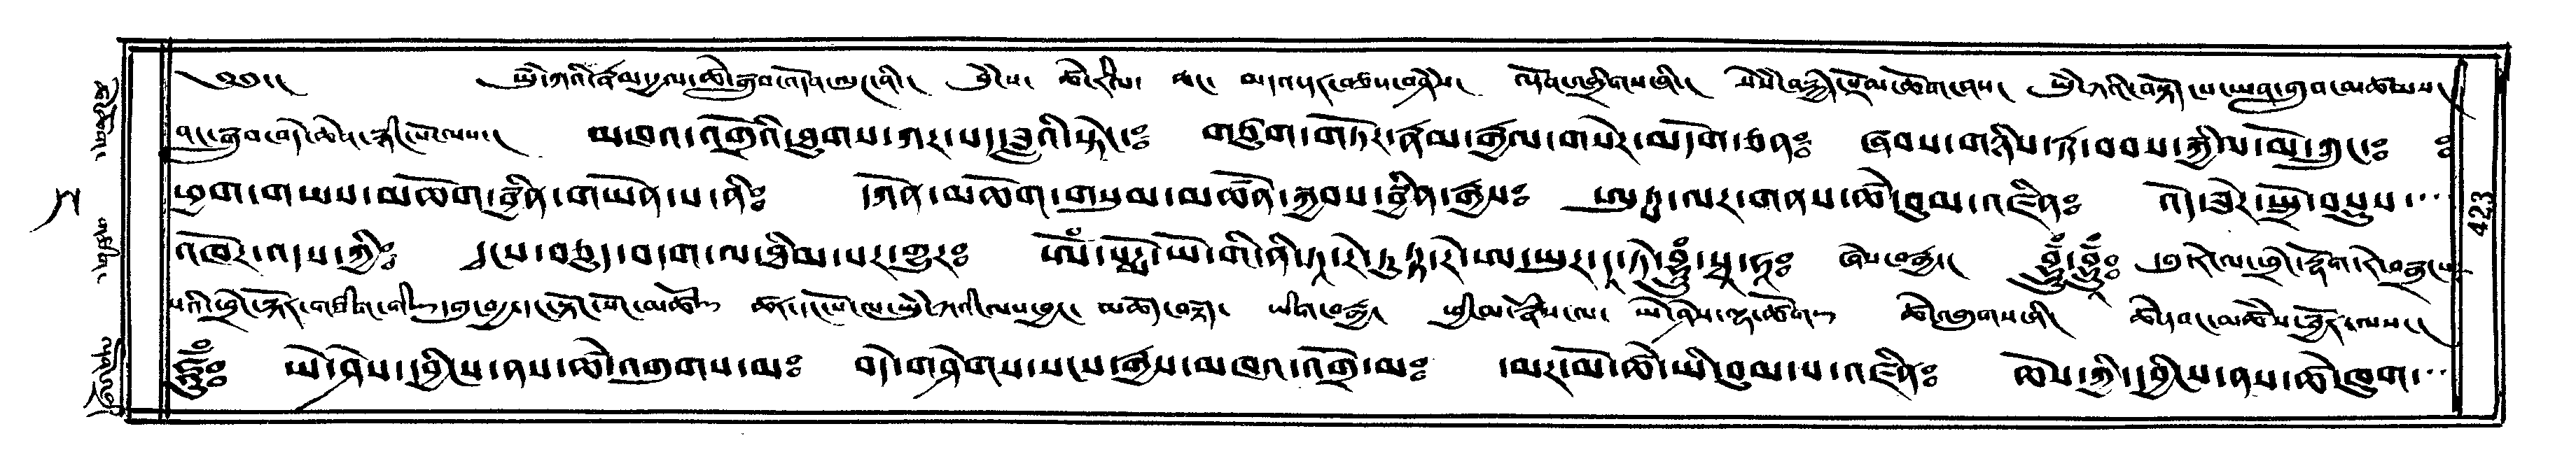ཡུམ་ཀའི་རྣམ་རྒྱལ་ཚེ་སྒྲུབ་འདོན་ལུགས་ནི། བུམ་པ། ཚེ་རིལ། ཆང་། མདའ་དར་བཅས་བཤམ། འདོན་འགྲིགས་ནི། སེམས་བསྐྱེད་སྡོམ་ཆོག་ནས། ཡུམ་ཀའི་བསྟོད་པ་ཡན་གྲུབ་མཚམས། 
ནང་སྒྲུབ་བདེ་ཆེན་སྙིང་པོ་ལས། མཁའ་འགྲོའི་ཐུགས་དཀར་པད་ཟླའི་སྟེང༔ གཙུག་གཏོར་རྣམ་རྒྱལ་གསེར་མདོག་ཅན༔ ཞབས་གཉིས་རྟ་བབས་སྐྱིལ་མོ་ཀྲུང༔ 
ཕྱག་གཡས་མཆོག་སྦྱིན་གཡོན་པ་ནི༔ དཀོན་མཆོག་གསུམ་མཚོན་སྐྱབས་སྦྱིན་རྒྱས༔ ཨུཏྤ་ལར་གནས་ཚེ་བུམ་འཛིན༔ འོད་ཟེར་སྤྲོ་བསྡུས་
འཁོར་འདས་ཀྱི༔ དྭངས་བཅུད་བདག་ལ་ཐིམ་པར་གྱུར༔ ཨོཾ་པདྨོ་ཡོ་གི་ནི་ཏཱ་རེ་ཏུཏྟ་རེ་ཨ་ཡུར་དཱ་ཏེ་བྷྲཱུྃ་སྭ་ཧཱ༔ ཞེས་བརྒྱ། བྷྲཱུྃ་བྷྲཱུྃ༔ དགུ་རེ་ལ་ཕྲེང་རྡོག་རེ་བསྒྲངས་
པའི་ཕྲེང་སྐོར་གཅིག་གིས་དགུ་བརྒྱ་དང་སྟོང་སོང་མཚམས། ཚར་དང་པོ་ལ་ཡུམ་ཀའི་ལས་བྱང་། མཆོད་བསྟོད། ཡིག་བརྒྱ། ཕྱི་མ་རྣམས་ལ། ཡེ་ཤེས་ལྷ་ཚོགས། ཚེ་འགུགས་ནི། ཚེ་དབང་མཚམས་སྦྱོར་ལས། 
ཧཱུྃ༔ ཡེ་ཤེས་དབྱིངས་ནས་ཚེ་འགུགས་མ༔ བདེ་གཤེགས་སངས་རྒྱས་མཁའ་འགྲོ་མ༔ དམར་མོ་ཚེ་ཡི་བུམ་པ་འཛིན༔ ཆོས་ཀྱི་དབྱིངས་ནས་ཚེ་ཁུག་